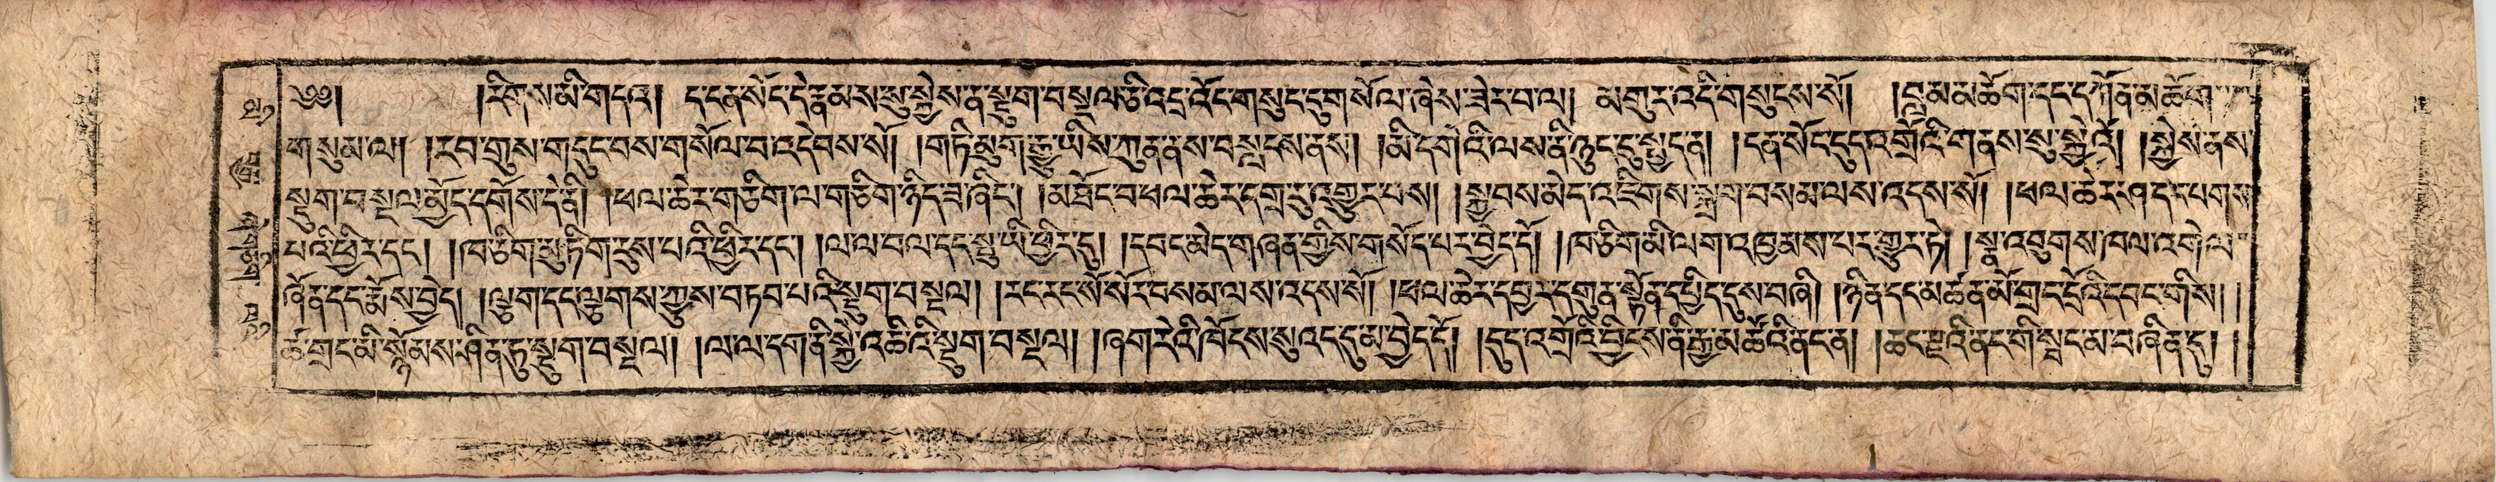རིགས་མི་གདའ། ད་ངན་སོང་དེ་རྣམས་སུ་སྐྱེས་ན་སྡུག་བསྔལ་ཅི་འདྲ་འོང་གསུང་དུ་གསོལ་ཞེས་ཟེར་བ་ལ། མགུར་འདི་གསུངས་སོ། །བླ་མ་མཆོག་དང་དཀོན་མཆོག་
གསུམ་ལ། །རབ་གུས་གདུང་བས་གསོལ་བ་འདེབས་སོ། །གཏི་མུག་རྒྱུ་ཡིས་ཀུན་ནས་བསླངས་ནས། །མི་དགེའི་ལས་ནི་ཉུང་ངུ་སྤྱད་ན། །ངན་སོང་དུ་འགྲོའི་གནས་སུ་སྐྱེའོ། །སྐྱེས་ནས་
སྡུག་བསྔལ་མྱོང་དགོས་དེ་ནི། །ཕལ་ཆེར་གཅིག་ལ་གཅིག་ཉིད་ཟ་ཞིང་། །མཐོང་བ་ཕལ་ཆེར་དགྲ་རུ་འགྱུར་བས། །སྐྱབས་མེད་འཇིགས་སྐྲག་བསམ་ལས་འདས་སོ། །ཕལ་ཆེར་ཤ་དང་པགས་
པའི་ཕྱིར་དང། །ཁ་ཅིག་མུ་ཏིག་རུས་པའི་ཕྱིར་དང་། །ལ་ལ་བལ་དང་སྤུ་ཡི་ཕྱིར་དུ། །དབང་མེད་གཞན་གྱིས་གསོད་པར་བྱེད་དོ། །ཁ་ཅིག་མི་ལག་འཁྱམས་པར་གྱུར་ཏེ། །སྣ་འབུགས་ཁལ་འགྲེལ་
ཞོན་དང་རྨོས་བྱེད། །ལྕག་དང་ལྕགས་ཀྱུས་བཏབ་པའི་སྡུག་བསྔལ། །རང་རང་སོ་སོར་བསམ་ལས་འདས་སོ། །ཕལ་ཆེར་དབྱར་དགུན་སྟོན་དཔྱིད་དུས་བཞི། །ཉིན་དང་མཚན་མེ་གྲང་དྲོའི་དབང་གིས། །
ཚ་གྲང་མི་སྙོམས་ཤིན་ཏུ་སྡུག་བསྔལ། །ལ་ལ་དག་ནི་སྐྱེ་འཆིའི་སྡུག་བསྔལ། །ཞག་རེའི་ཁོངས་སུའང་དུ་མ་བྱེད་དོ། །དུད་འགྲོའི་བྱིངས་ནི་རྒྱ་མཚོའི་ནང་ན། །ཆང་རྫའི་ནང་གི་སྦང་མ་བཞིན་དུ། །